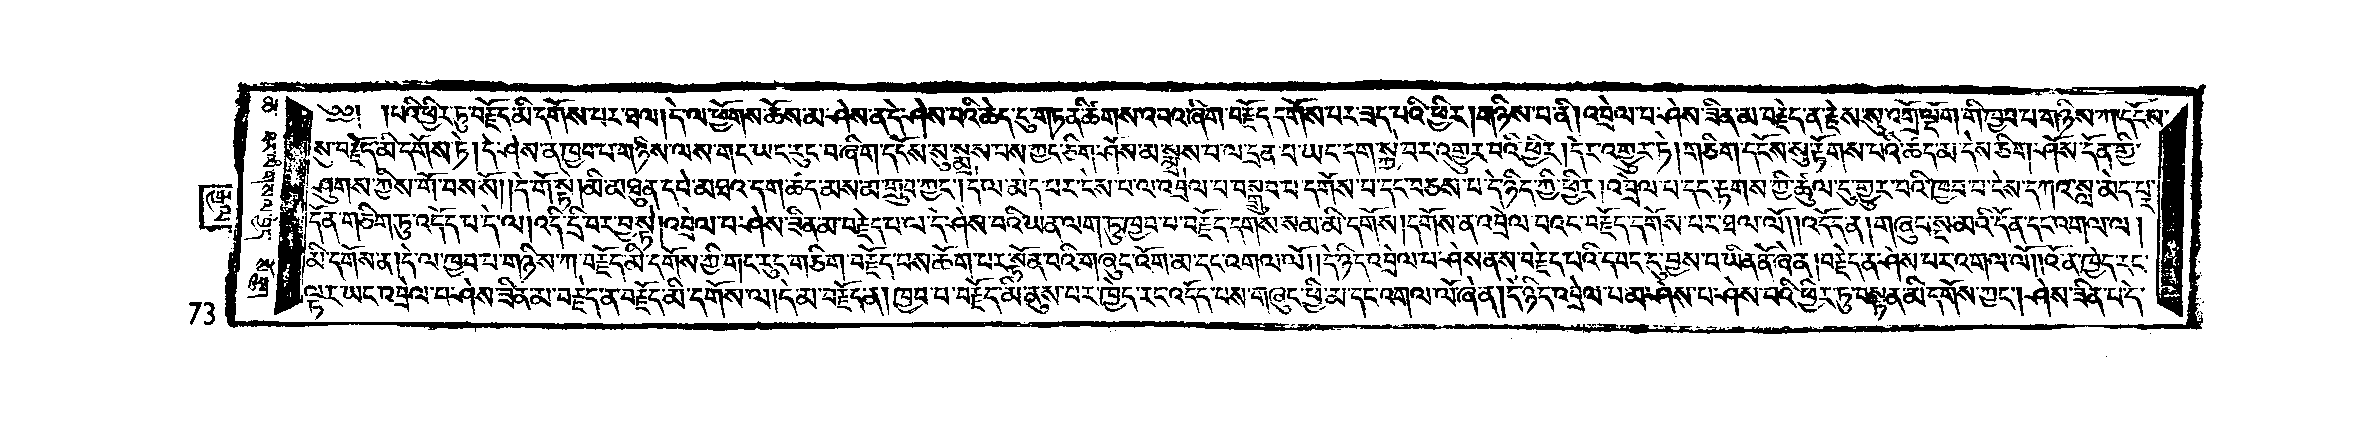༄༅། །པའི་ཕྱིར་ཏུ་བརྗོད་མི་དགོས་པར་ཐལ། དེ་ལ་ཕྱོགས་ཆོས་མ་ཤེས་ན་དེ་ཤེས་པའི་ཆེད་དུ་གཏན་ཚིགས་འབའ་ཞིག་བརྗོད་དགོས་པར་ཟད་པའི་ཕྱིར། གཉིས་པ་ནི། འབྲེལ་པ་ཤེས་ཟིན་མ་བརྗེད་ན་རྗེས་སུ་འགྲོ་ལྡོག་གི་ཁྱབ་པ་གཉིས་ཀ་དངོས་
སུ་བརྗོད་མི་དགོས་ཏེ། དེ་ཤེས་ན་ཁྱབ་པ་གཉིས་ལས་གང་ཡང་རུང་བ་ཞིག་དངོས་སུ་སྨྲས་པས་ཀྱང་ཅིག་ཤོས་མ་སྨྲས་པ་ལ་དྲན་པ་ཡང་དག་སྐྱེ་བར་འགྱུར་བའི་ཕྱིར། དེར་འགྱུར་ཏེ། གཅིག་དངོས་སུ་རྟོགས་པའི་ཚད་མ་དེས་ཅིག་ཤོས་དོན་གྱི་
ཤུགས་ཀྱིས་གོ་བས་སོ། །དེ་གོ་སྟེ། མི་མཐུན་དཔེ་མཐའ་དག་ཚད་མས་མ་གྲུབ་ཀྱང་། དེ་ལ་མེད་པར་ངེས་པ་ལ་འབྲེལ་པ་བསྒྲུབ་པ་དགོས་པ་དང་བཅས་པ་དེ་ཉིད་ཀྱི་ཕྱིར། འབྲེལ་པ་དང་རྟགས་ཀྱི་ཚུལ་དུ་གྱུར་བའི་ཁྱབ་པ་ངེས་དཀའ་སླ་མེད་པར་
དོན་གཅིག་ཏུ་འདོད་པ་དེ་ལ། འདི་དྲི་བར་བྱ་སྟེ། འབྲེལ་པ་ཤེས་ཟིན་མ་བརྗེད་པ་ལ་དེ་ཤེས་པའི་ཡན་ལག་ཏུ་ཁྱབ་པ་བརྗོད་དགོས་སམ་མི་དགོས། དགོས་ན་འབྲེལ་པའང་བརྗོད་དགོས་པར་ཐལ་ལོ། །འདོད་ན། གཞུང་སྔ་མའི་དོན་དང་འགལ་ལ།
མི་དགོས་ན། དེ་ལ་ཁྱབ་པ་གཉིས་ཀ་བརྗོད་མི་དགོས་ཀྱི་གང་རུང་གཅིག་བརྗོད་པས་ཆོག་པར་སྟོན་པའི་གཞུང་འོག་མ་དང་འགལ་ལོ། །དེ་ཉིད་འབྲེལ་པ་ཤེས་ནས་བརྗེད་པའི་དབང་དུ་བྱས་པ་ཡིན་ནོ་ཞེ་ན། བརྗེད་ན་ཤེས་པར་འགལ་ལོ། །འོ་ན་ཁྱེད་རང་
ལྟར་ཡང་འབྲེལ་པ་ཤེས་ཟིན་མ་བརྗེད་ན་བརྗོད་མི་དགོས་ལ། དེ་མ་བརྗོད་ན། ཁྱབ་པ་བརྗོད་མི་ནུས་པར་ཁྱེད་རང་འདོད་པས་གཞུང་ཕྱི་མ་དང་འགལ་ལོ་ཞེ་ན། དེ་ཉིད་འབྲེལ་པ་མ་ཤེས་པ་ཤེས་པའི་ཕྱིར་ཏུ་བསྟན་མི་དགོས་ཀྱང་། ཤེས་ཟིན་པ་དེ་